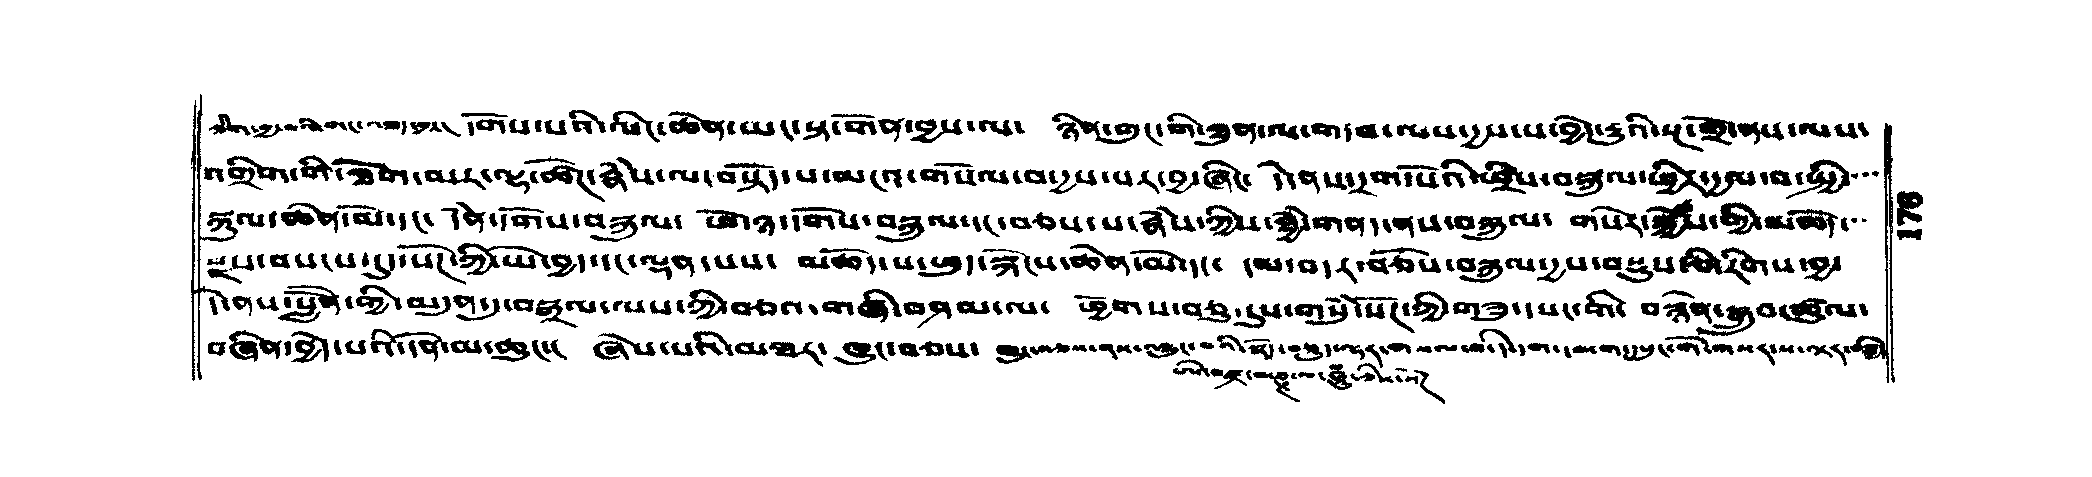དགོས་པའི་ལིང་ཆེན་ཡང་སྟ་གོན་བྱས་ལ། ཉིན་གུང་གི་ཐུན་ལ་གདབ་ལས་རྒྱས་པ་བྱེད་རྒྱུའི་སྔ་གྲོ་ནས་ལས་
འགྲིག་གི་ཐོག་མར་ལྷ་ཚོགས་རྣམས་ལ་བསྟོད་པ་མངའ་གསོལ་བ་རྒྱས་པར་བྱ་ཞིང་།དེ་ནས་དྲག་པོའི་ཕྲིན་ལས་བསྐུལ་ཕྱིར་རྒྱལ་བ་སྤྱི་
བསྐུལ་ཆེན་མོ་དང་། དམ་ཅན་དགོས་བསྐུལ། ཕོ་ཉ་དགོས་བསྐུལ་དང་བཅས་པ་རྣམས་ཀྱིས་ཐུགས་དམ་གནད་ནས་བསྐུལ། གསེར་སྐྱེམས་ཀྱི་མཆོད་
རྫས་བསངས་དུད་སོགས་ཀྱི་ཡོ་བྱད་དང་ལྡན་པས་མཆོད་པ་ཕུད་སྐོངས་ཆེན་མོ་དང་། དམ་བདར་བཅོས་བསྐུལ་རྒྱས་བསྡུས་ཅི་རིགས་བྱ། 
དེ་ནས་སློབ་དཔོན་གྱི་མདུན་དུ་བསྒྲལ་ལས་ཀྱི་བཅའ་གཞི་བཤམ་ལ་ ཕྱོགས་བཅུ་དུས་གསུམ་སོགས་ཀྱི་གཟུ་དཔང་གི་།བསྙེན་སྒྲུབ་ཚུལ་
བཞིན་བྱེད་པའི་དོན་མ་ཆུང་། །ཞེས་པའི་མཐར་ཁྱུང་བཅས་ མདུ་བཅས་ནས་འབྱུང་བའི་སྣོད་བཅུད་ལྟར་གསལ་བ་དེ་དག་དམག་དཔུང་གོ་གསར་པ་ལྟར་བསྐྱེད་ཅིང་།